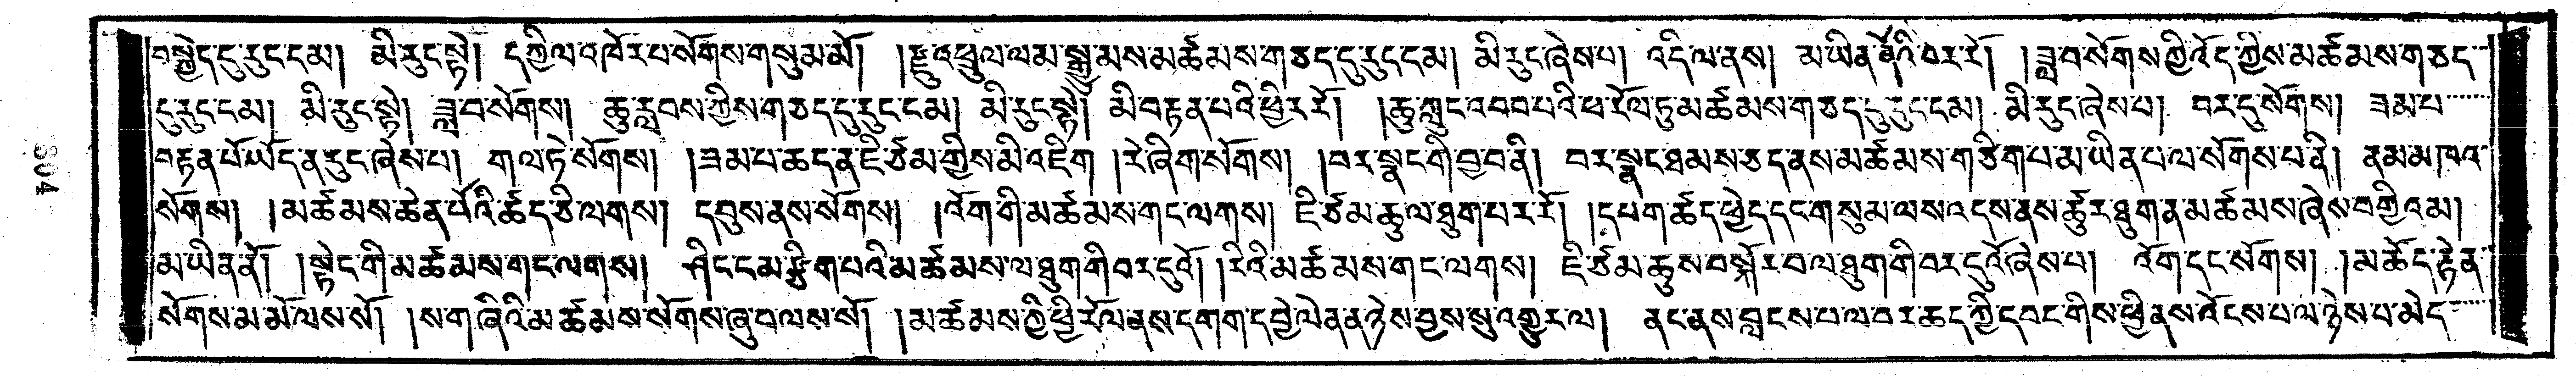བསྐྱེད་དུ་རུང་ངམ། མི་རུང་སྟེ། དཀྱིལ་འཁོར་པ་སོགས་གསུམ་མོ། །རྫུ་འཕྲུལ་ལམ་སྒྱུ་མས་མཚམས་གཅད་དུ་རུང་ངམ། མི་རུང་ཞེས་པ། འདི་ལ་ནས། མ་ཡིན་ནོའི་བར་རོ། །ཟླ་བ་སོགས་ཀྱི་འོད་ཀྱིས་མཚམས་གཅད་
དུ་རུང་ངམ། མི་རུང་སྟེ། ཟླ་བ་སོགས། ཆུ་རླབས་ཀྱིས་གཅད་དུ་རུང་ངམ། མི་རུང་སྟེ། མི་བརྟན་པའི་ཕྱིར་རོ། །ཆུ་ཀླུང་འབབ་པའི་ཕ་རོལ་ཏུ་མཚམས་གཅད་དུ་རུང་ངམ། མི་རུང་ཞེས་པ། བར་དུ་སོགས། ཟམ་པ་
བརྟན་པོ་ཡོད་ན་རུང་ཞེས་པ། གལ་ཏེ་སོགས། །ཟམ་པ་ཆད་ན་ཇི་ཙམ་གྱིས་མི་འཇིག །རེ་ཞིག་སོགས། །བར་སྣང་གི་བྱ་བ་ནི། བར་སྣང་ཐམས་ཅད་ནས་མཚམས་གཅིག་པ་མ་ཡིན་པ་ལ་སོགས་པ་ནི། ནམ་མཁའ་
སོགས། །མཚམས་ཆེན་པོའི་ཚད་ཅི་ལགས། དབུས་ནས་སོགས། །འོག་གི་མཚམས་གང་ལགས། ཇི་ཙམ་ཆུ་ལ་ཐུག་པར་རོ། །དཔག་ཚད་ཕྱེད་དང་གསུམ་ལས་འདས་ནས་ཚུར་ཐུག་ན་མཚམས་ཞེས་བགྱིའམ།
མ་ཡིན་ནོ། །སྟེང་གི་མཚམས་གང་ལགས། ཤིང་ངམ་རྩིག་པའི་མཚམས་ལ་ཐུག་གི་བར་དུའོ། །རིའི་མཚམས་གང་ལགས། ཇི་ཙམ་ཆུས་བསྐོར་བ་ལ་ཐུག་གི་བར་དུའོ་ཞེས་པ། འོག་དང་སོགས། །མཆོད་རྟེན་
སོགས་མ་མོ་ལས་སོ། །ས་གཞིའི་མཚམས་སོགས་ཞུ་བ་ལས་སོ། །མཚམས་ཀྱི་ཕྱི་རོལ་ནས་དགག་དབྱེ་ལེན་ན་ཉེས་བྱས་སུ་འགྱུར་ལ། ནང་ནས་བླངས་པ་ལ་བར་ཆད་ཀྱི་དབང་གིས་ཕྱི་ནས་འོངས་པ་ལ་ཉེས་པ་མེད་